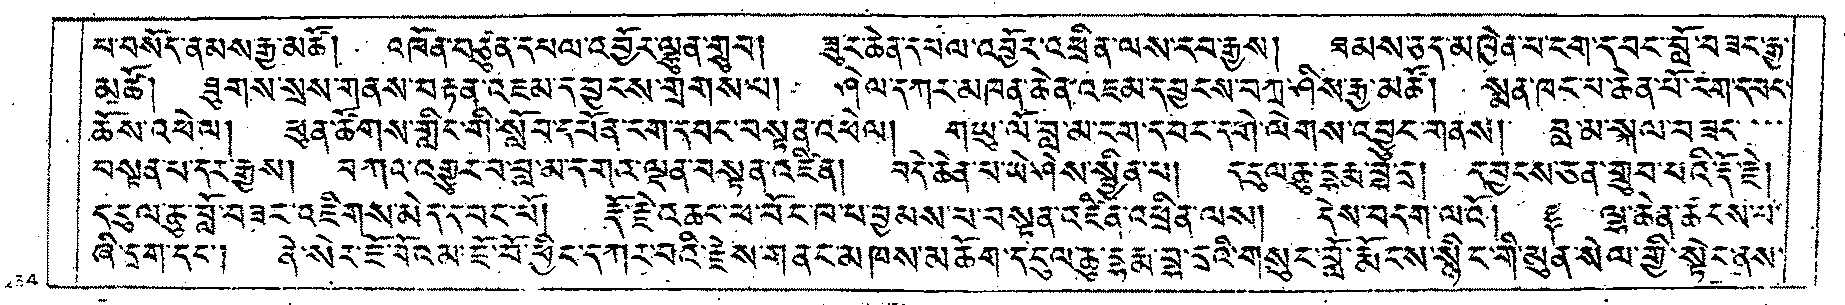པ་བསོད་ནམས་རྒྱ་མཚོ། འཁོན་བཙུན་དཔལ་འབྱོར་ལྷུན་གྲུབ། ཟུར་ཆེན་དཔལ་འབྱོར་འཕྲིན་ལས་རབ་རྒྱས། ཐམས་ཅད་མཁྱེན་པ་ངག་དབང་བློ་བཟང་རྒྱ་
མཚོ། ཐུགས་སྲས་གནས་བརྟན་འཇམ་དབྱངས་གྲགས་པ། ཤེལ་དཀར་མཁན་ཆེན་འཇམ་དབྱངས་བཀྲ་ཤིས་རྒྱ་མཚོ། སྨན་ཁང་པ་ཆེན་པོ་ངག་དབང་
ཆོས་འཕེལ། ཕུན་ཚོགས་གླིང་གི་སློབ་དཔོན་ངག་དབང་བསྟན་འཕེལ། གཡུ་ལོ་བླ་མ་ངག་དབང་དགེ་ལེགས་འབྱུང་གནས། བླ་མ་སྐལ་བཟང་
བསྟན་པ་དར་རྒྱས། བཀའ་འགྱུར་བ་བླ་མ་དགའ་ལྡན་བསྟན་འཛིན། བདེ་ཆེན་པ་ཡེ་ཤེས་སྦྱིན་པ། དངུལ་ཆུ་དྷརྨ་བྷ་དྲ། དབྱངས་ཅན་གྲུབ་པའི་རྡོ་རྗེ།
དངུལ་ཆུ་བློ་བཟང་འཇིགས་མེད་དབང་པོ། རྡོ་རྗེ་འཆང་ཕ་བོང་ཁ་པ་བྱམས་པ་བསྟན་འཛིན་འཕྲིན་ལས། དེས་བདག་ལའོ། ༈ ལྷ་ཆེན་ཚངས་པ་
ཞི་དྲག་དང་། ནེ་སེར་ཇོ་བོའམ་ཇོ་བོ་ཕྱིང་དཀར་བའི་རྗེས་གནང་མཁས་མཆོག་དངུལ་ཆུ་དྷརྨ་བྷ་དྲའི་གསུང་བློ་རྨོངས་སྙིང་གི་མུན་སེལ་གྱི་སྟེང་ནས་